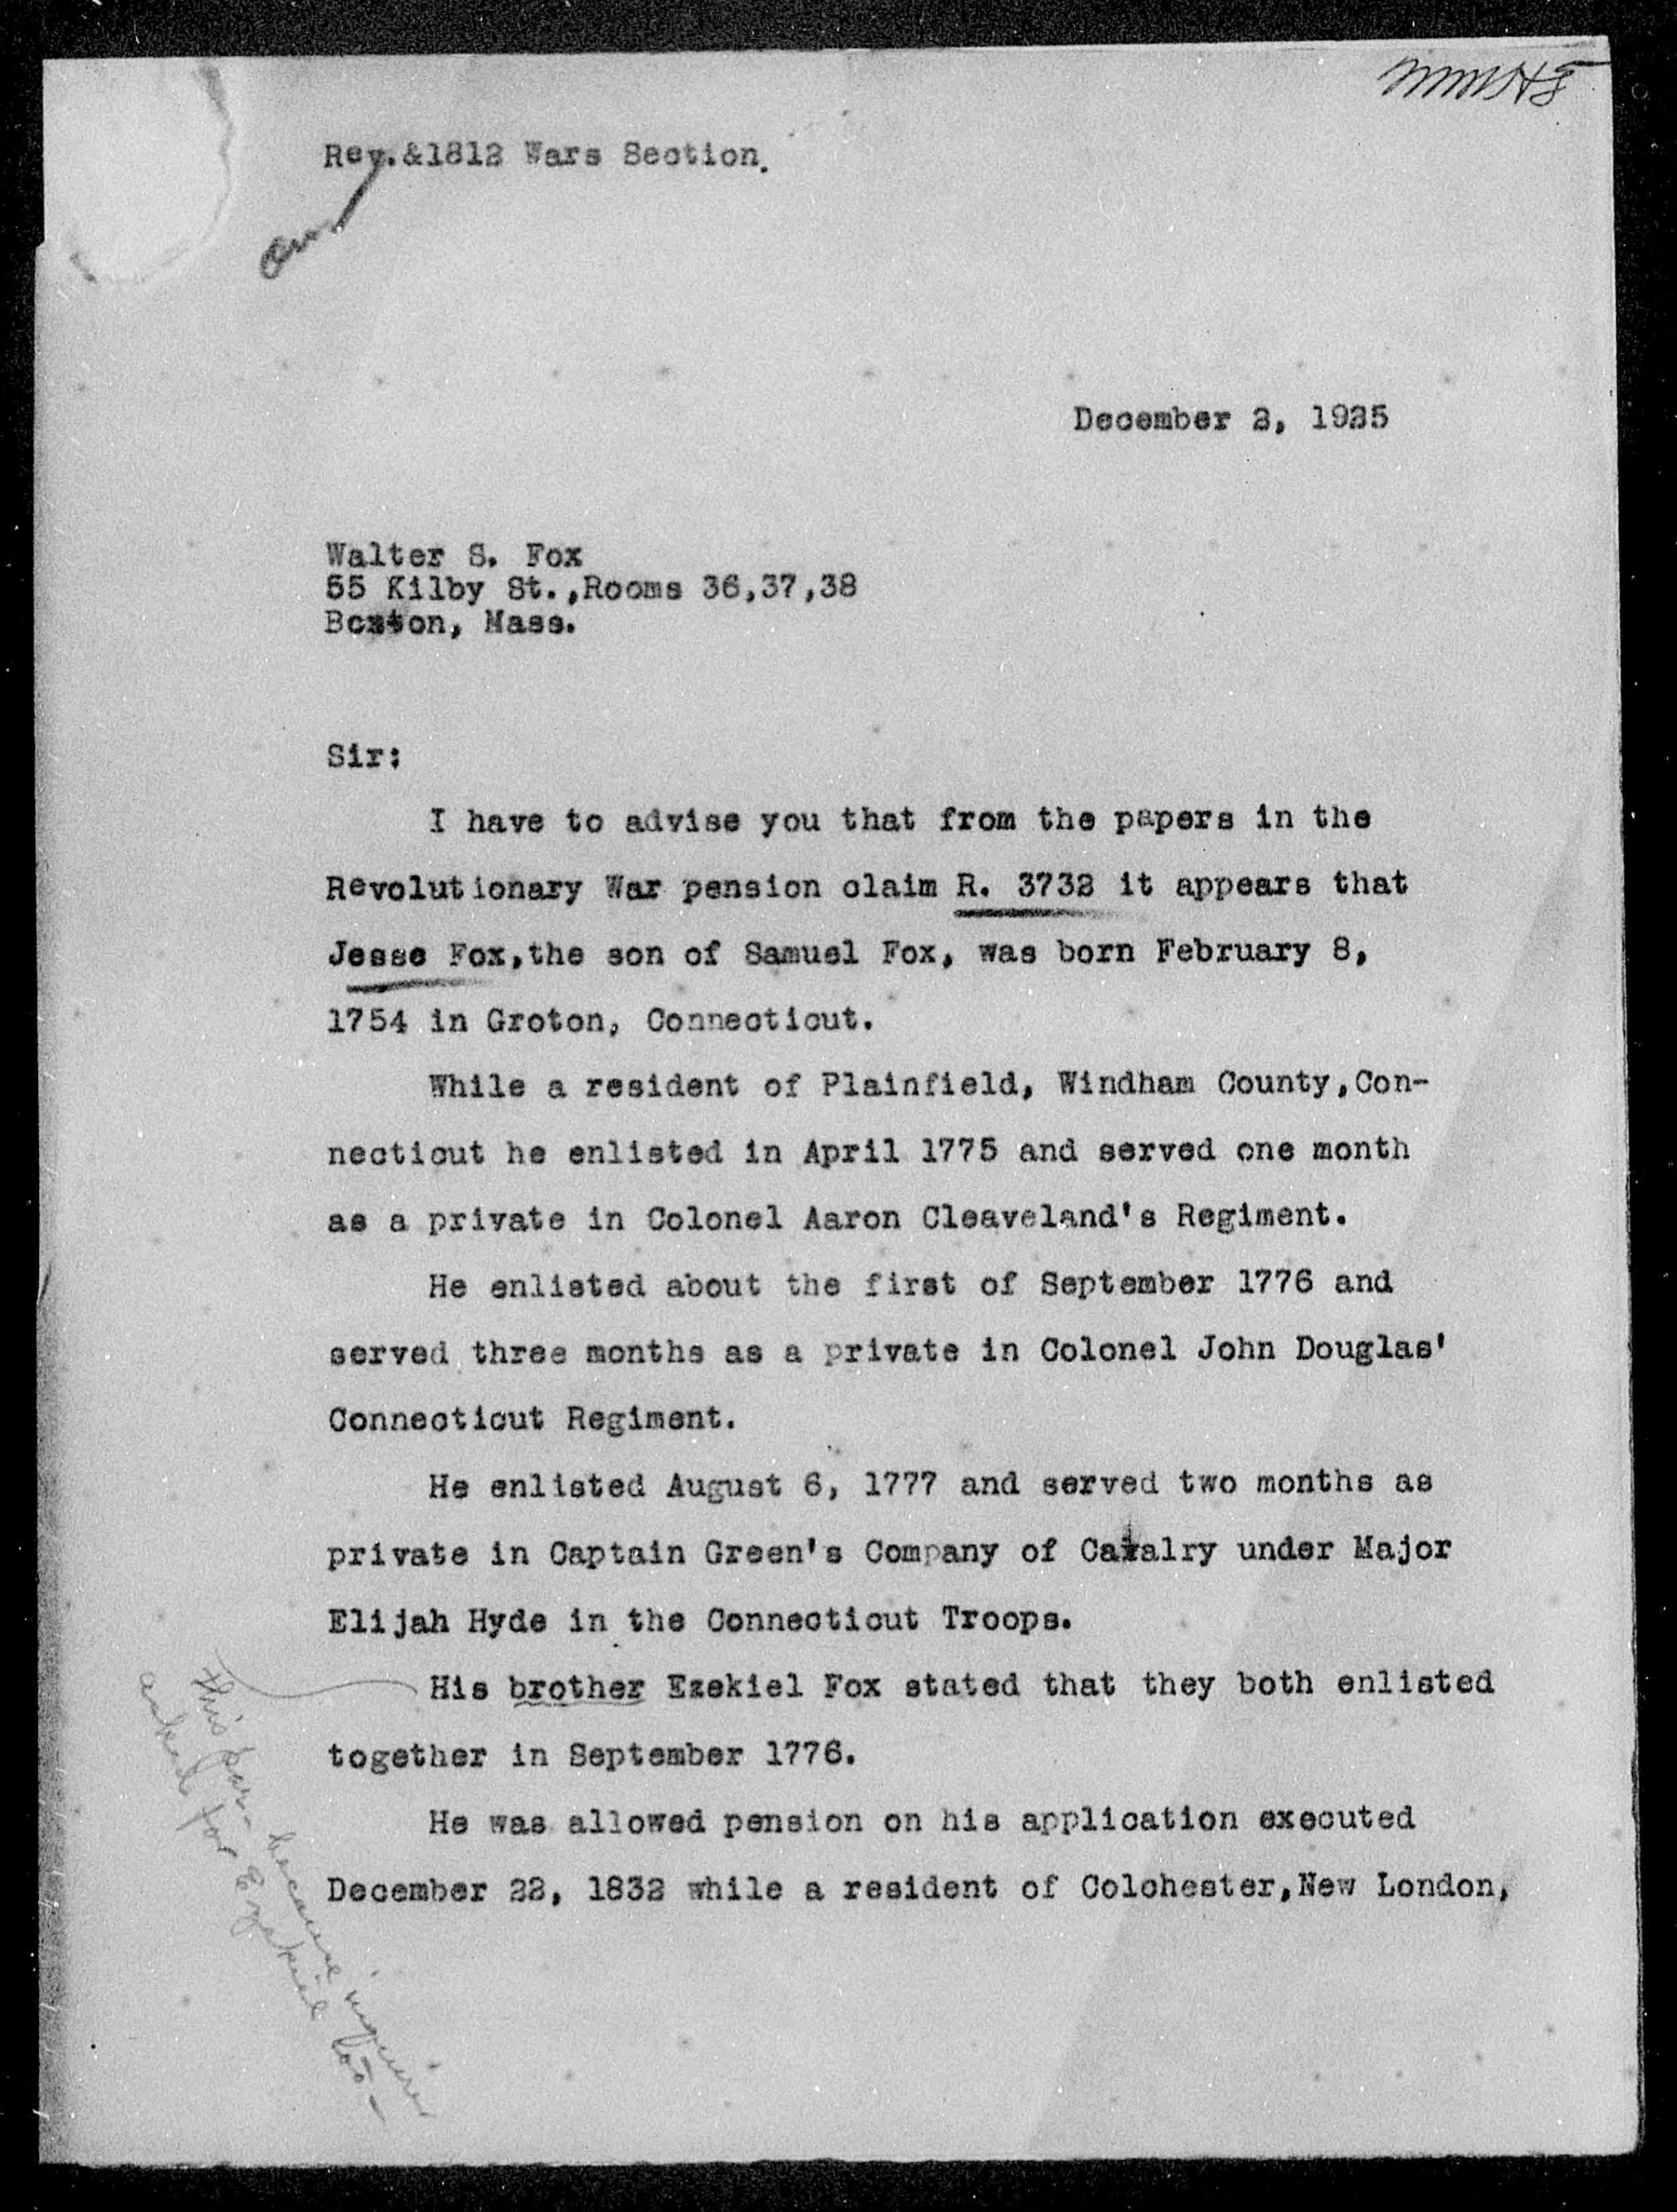Rev. & 1812 Wars Section

December 2, 1925

Walter S. Fox
55 Kilby St., Rooms 36,37,38
Boston, Mass.

Sir;

I have to advise you that from the papers in the Revolutionary War pension claim R. 3732 it appears the Jesse Fox, the son of Samuel Fox, was born February 8, 1754 in Groton, Connecticut.

While a resident of Plainfield, Windham County, Connecticut he enlisted in April 1775 and served one month as a private in Colonel Aaron Cleaveland's Regiment.

He enlisted about the first of September 1776 and served three months as a private in Colonel John Douglas' Connecticut Regiment.

He enlisted August 6, 1777 and served two months as private in Captain Green's Company of Cavalry under Major Elijah Hyde in the Connecticut Troops.

His brother Ezekiel Fox (this per because inquiries asked for Ezekiel too) stated that they both enlisted together in September 1776.

He was allowed pension on his application executed December 22, 1832 while a resident of Colchester, New London,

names: Walter S Fox, Ezekiel, Samuel Fox, Ezekiel Fox, Jesse Fox, Elijah Hyde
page: 16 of 53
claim: rejected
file: R. 3732, Jesse Fox, Conn.